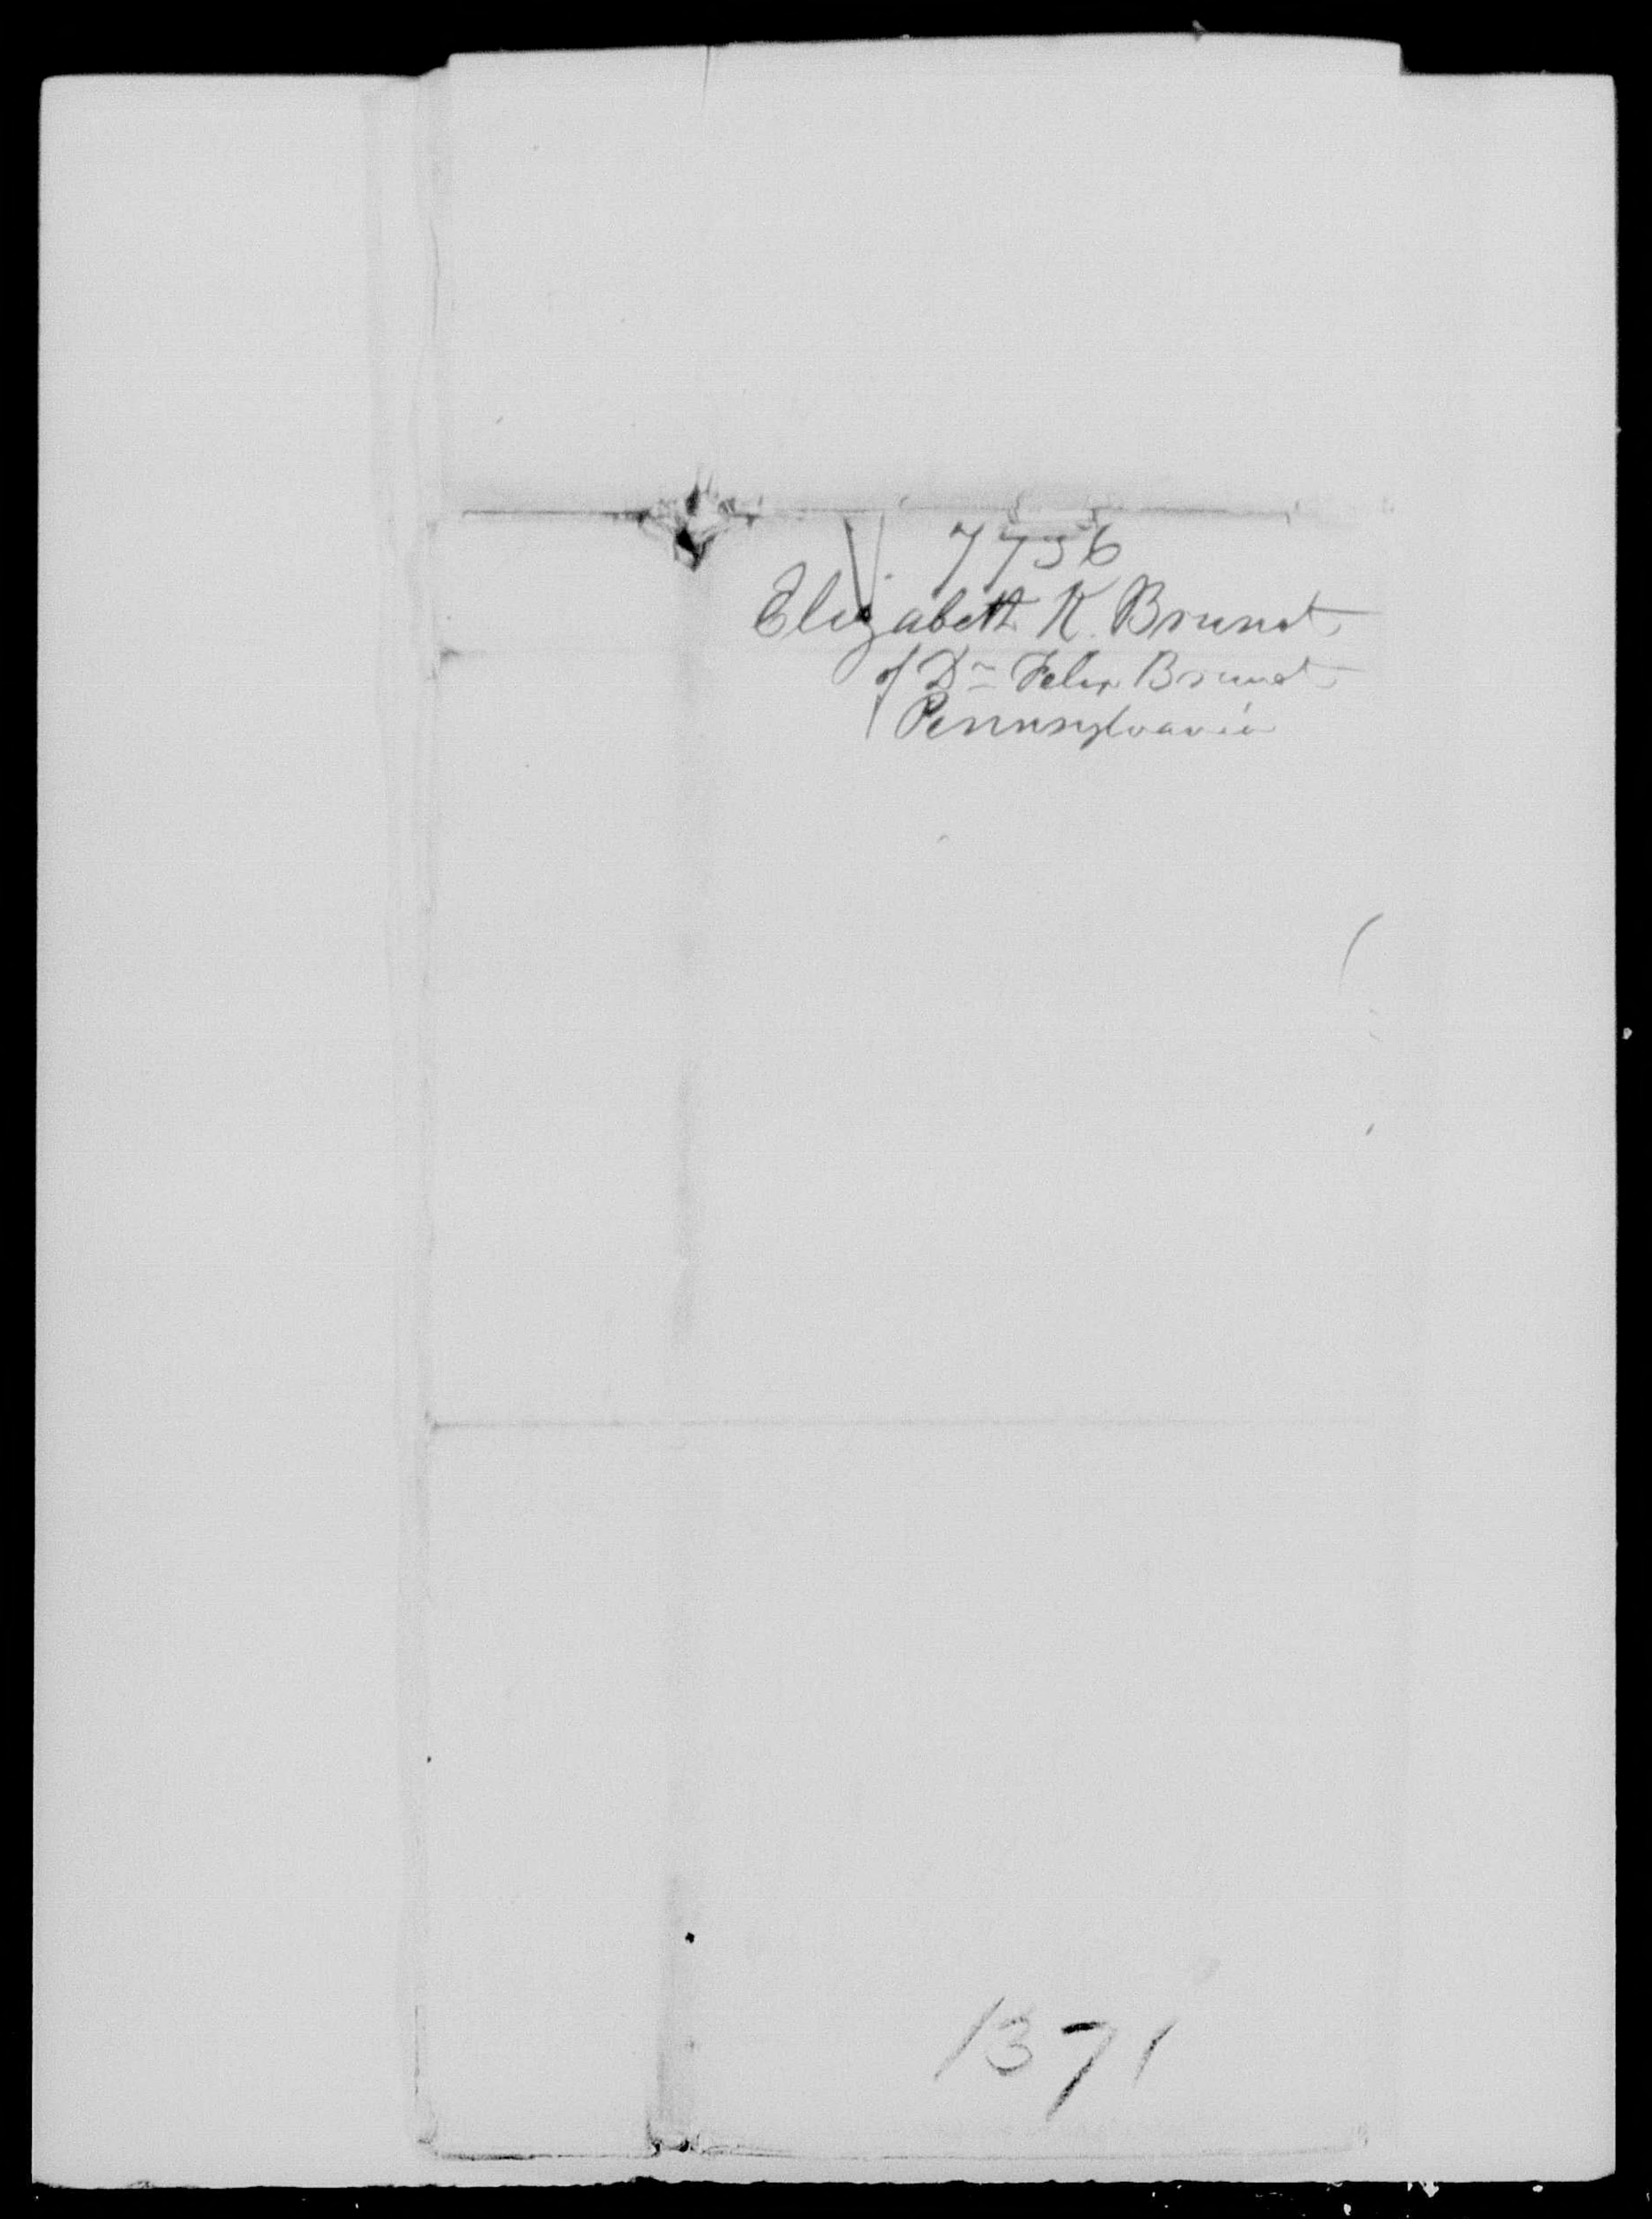V. 7726
Elizabeth K. Brunot
of Dr. Felix Brunot
Pennsylvania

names: Elizabeth K Brunot, Felix Brunot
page: 2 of 34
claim: rejected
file: R. 1371, Felix Brunot, Penn.